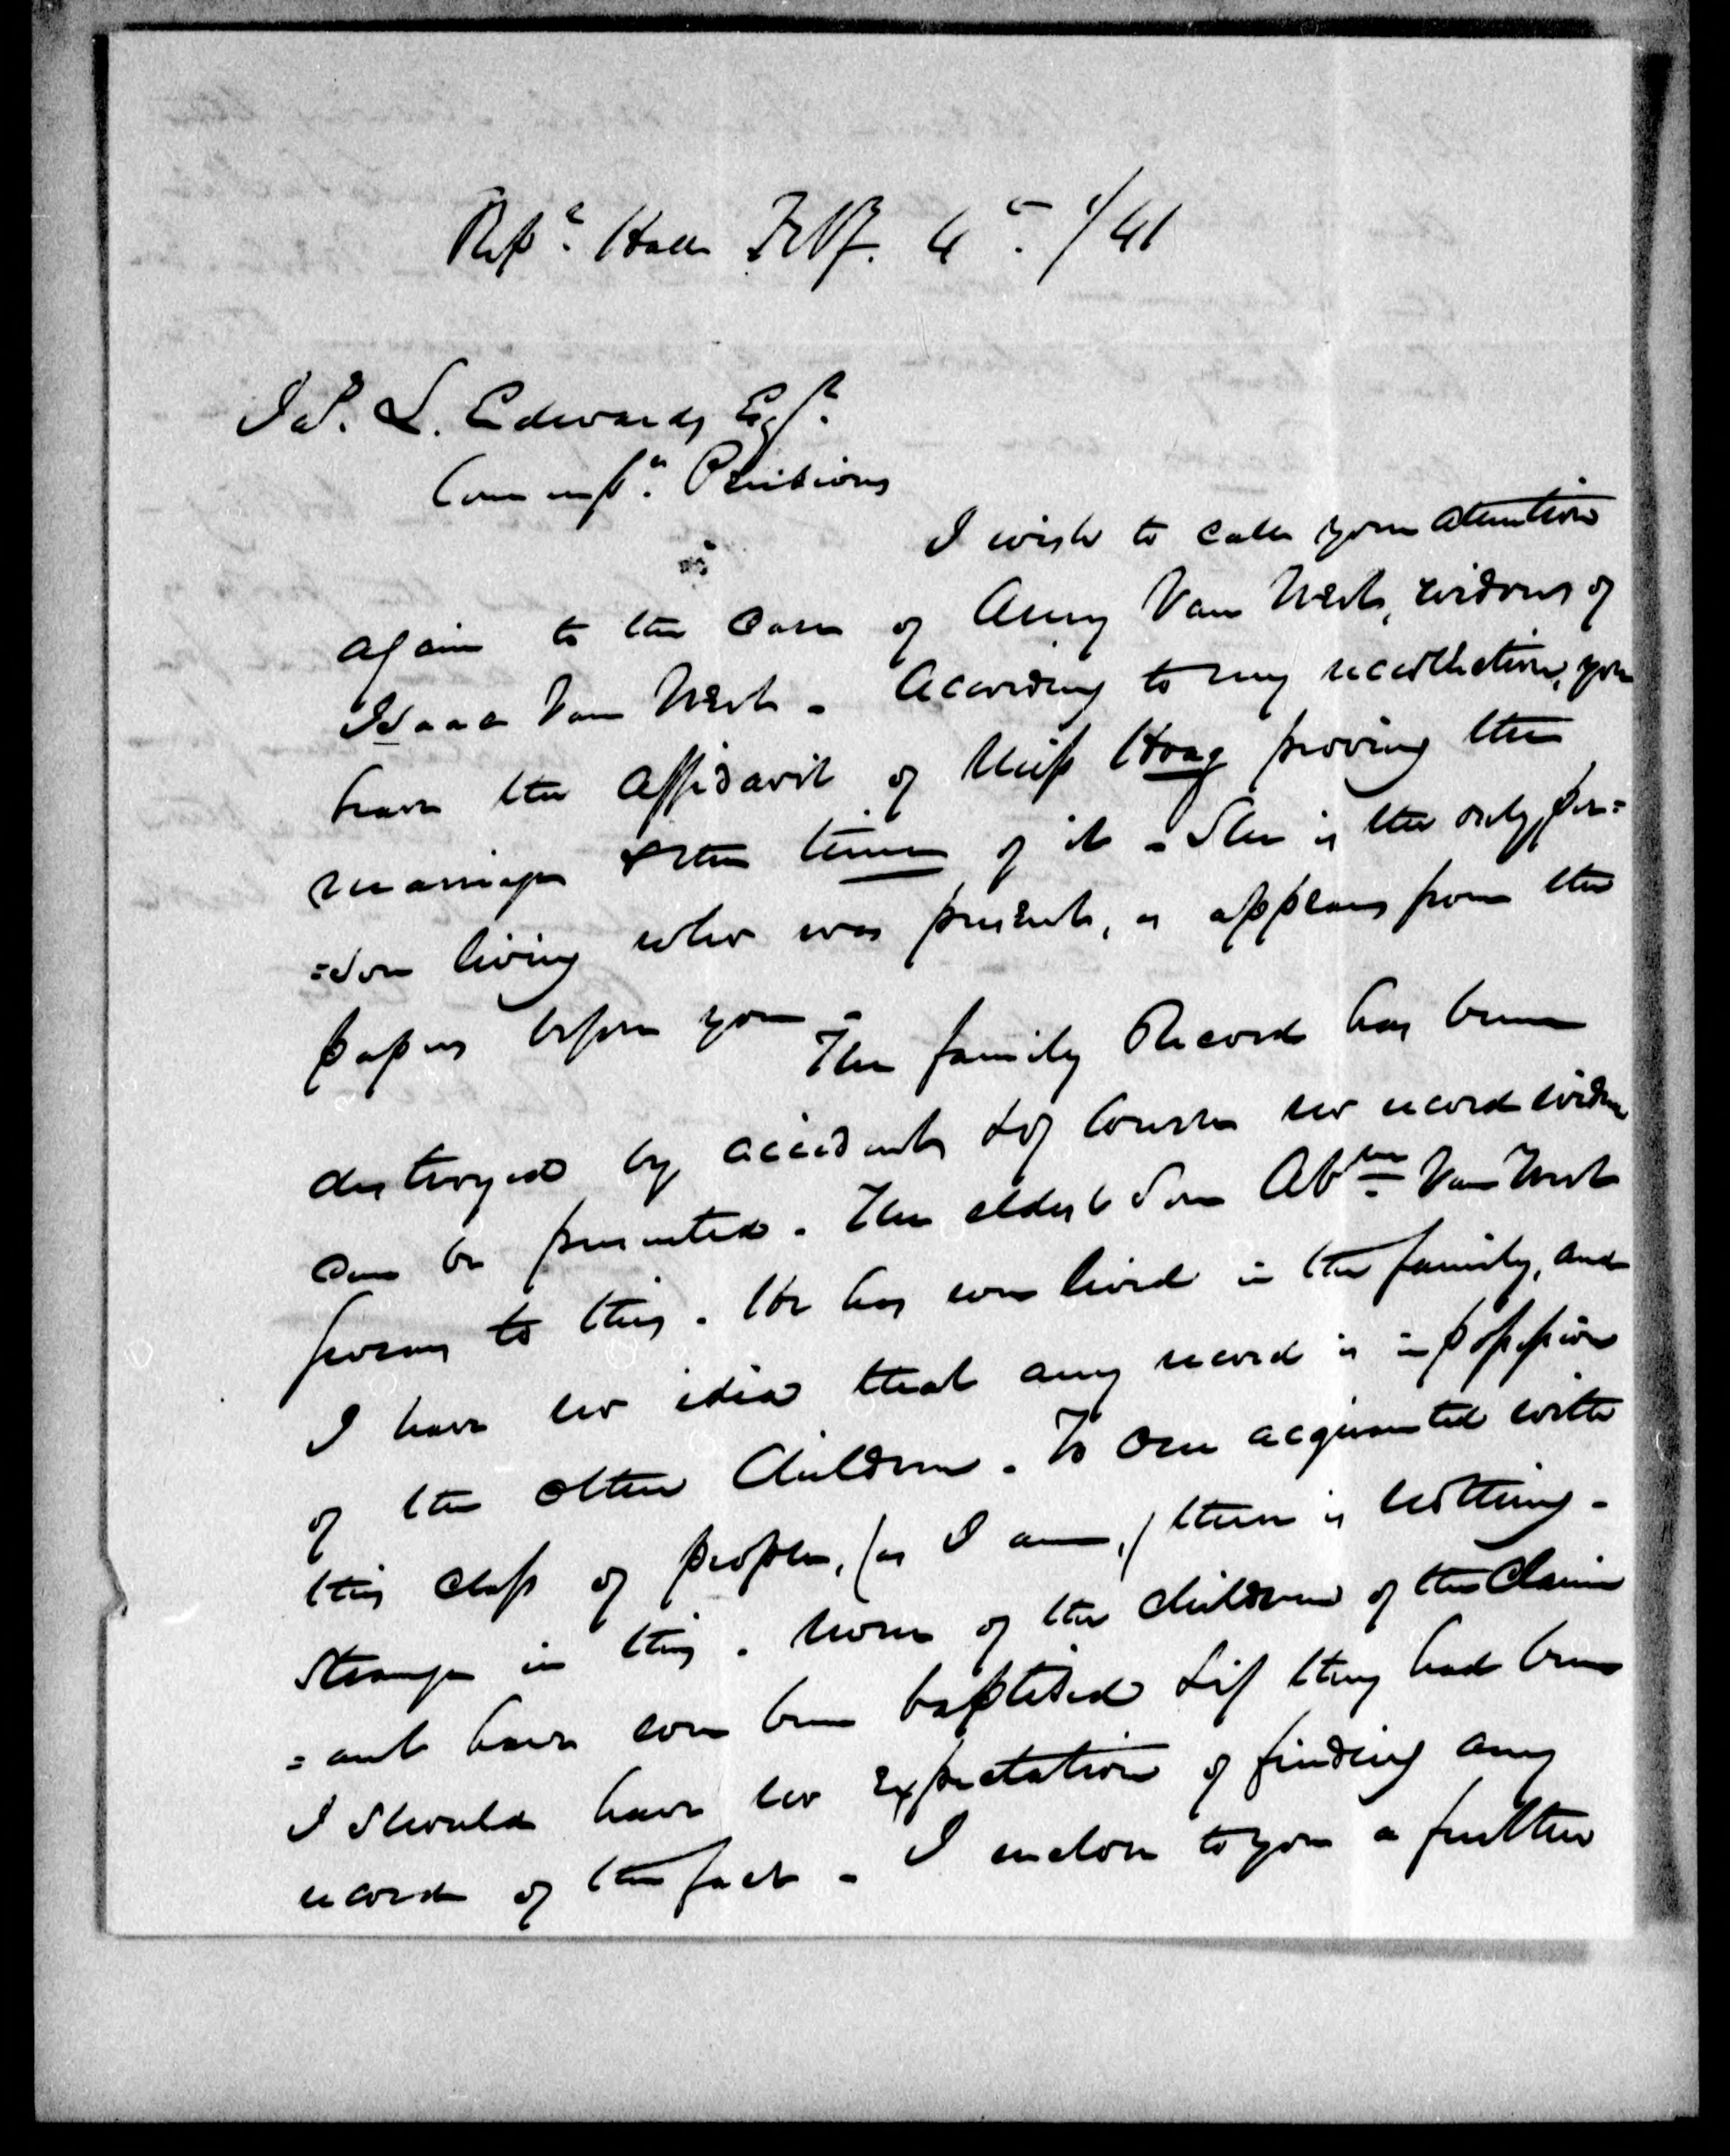Rep Hall Feby 4th ‘/41
J. L. Edwards Esqr 
Commssr Pensions 
I wish to call your attention again to the case of Amy Van Wart widow of Isaac Van Wart - According to my recollection you have the affidavit of Miss Hoag proving their marriage & the time of it. She is the only person living who was present, as appears from the papers before you 
The family Record has been destroyed by accident & of course no record evidence can be presented. The eldest son Abm Van Wart swears to this.  He has ever lived in the family, and I have no idea that any record is in possession of the other children. To one acquainted with this class of people (as I am) there is nothing strange in this. None of the children of the claimant have been baptised & if they had been I should have no expectation of finding any record of the fact - I enclose to you a further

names: Jas L Edwards, Amy Van Wert, Isaac Van Wert, Abm Van Wert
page: 56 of 102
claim: widow's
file: W. 18239, Isaac Van Wart, New York